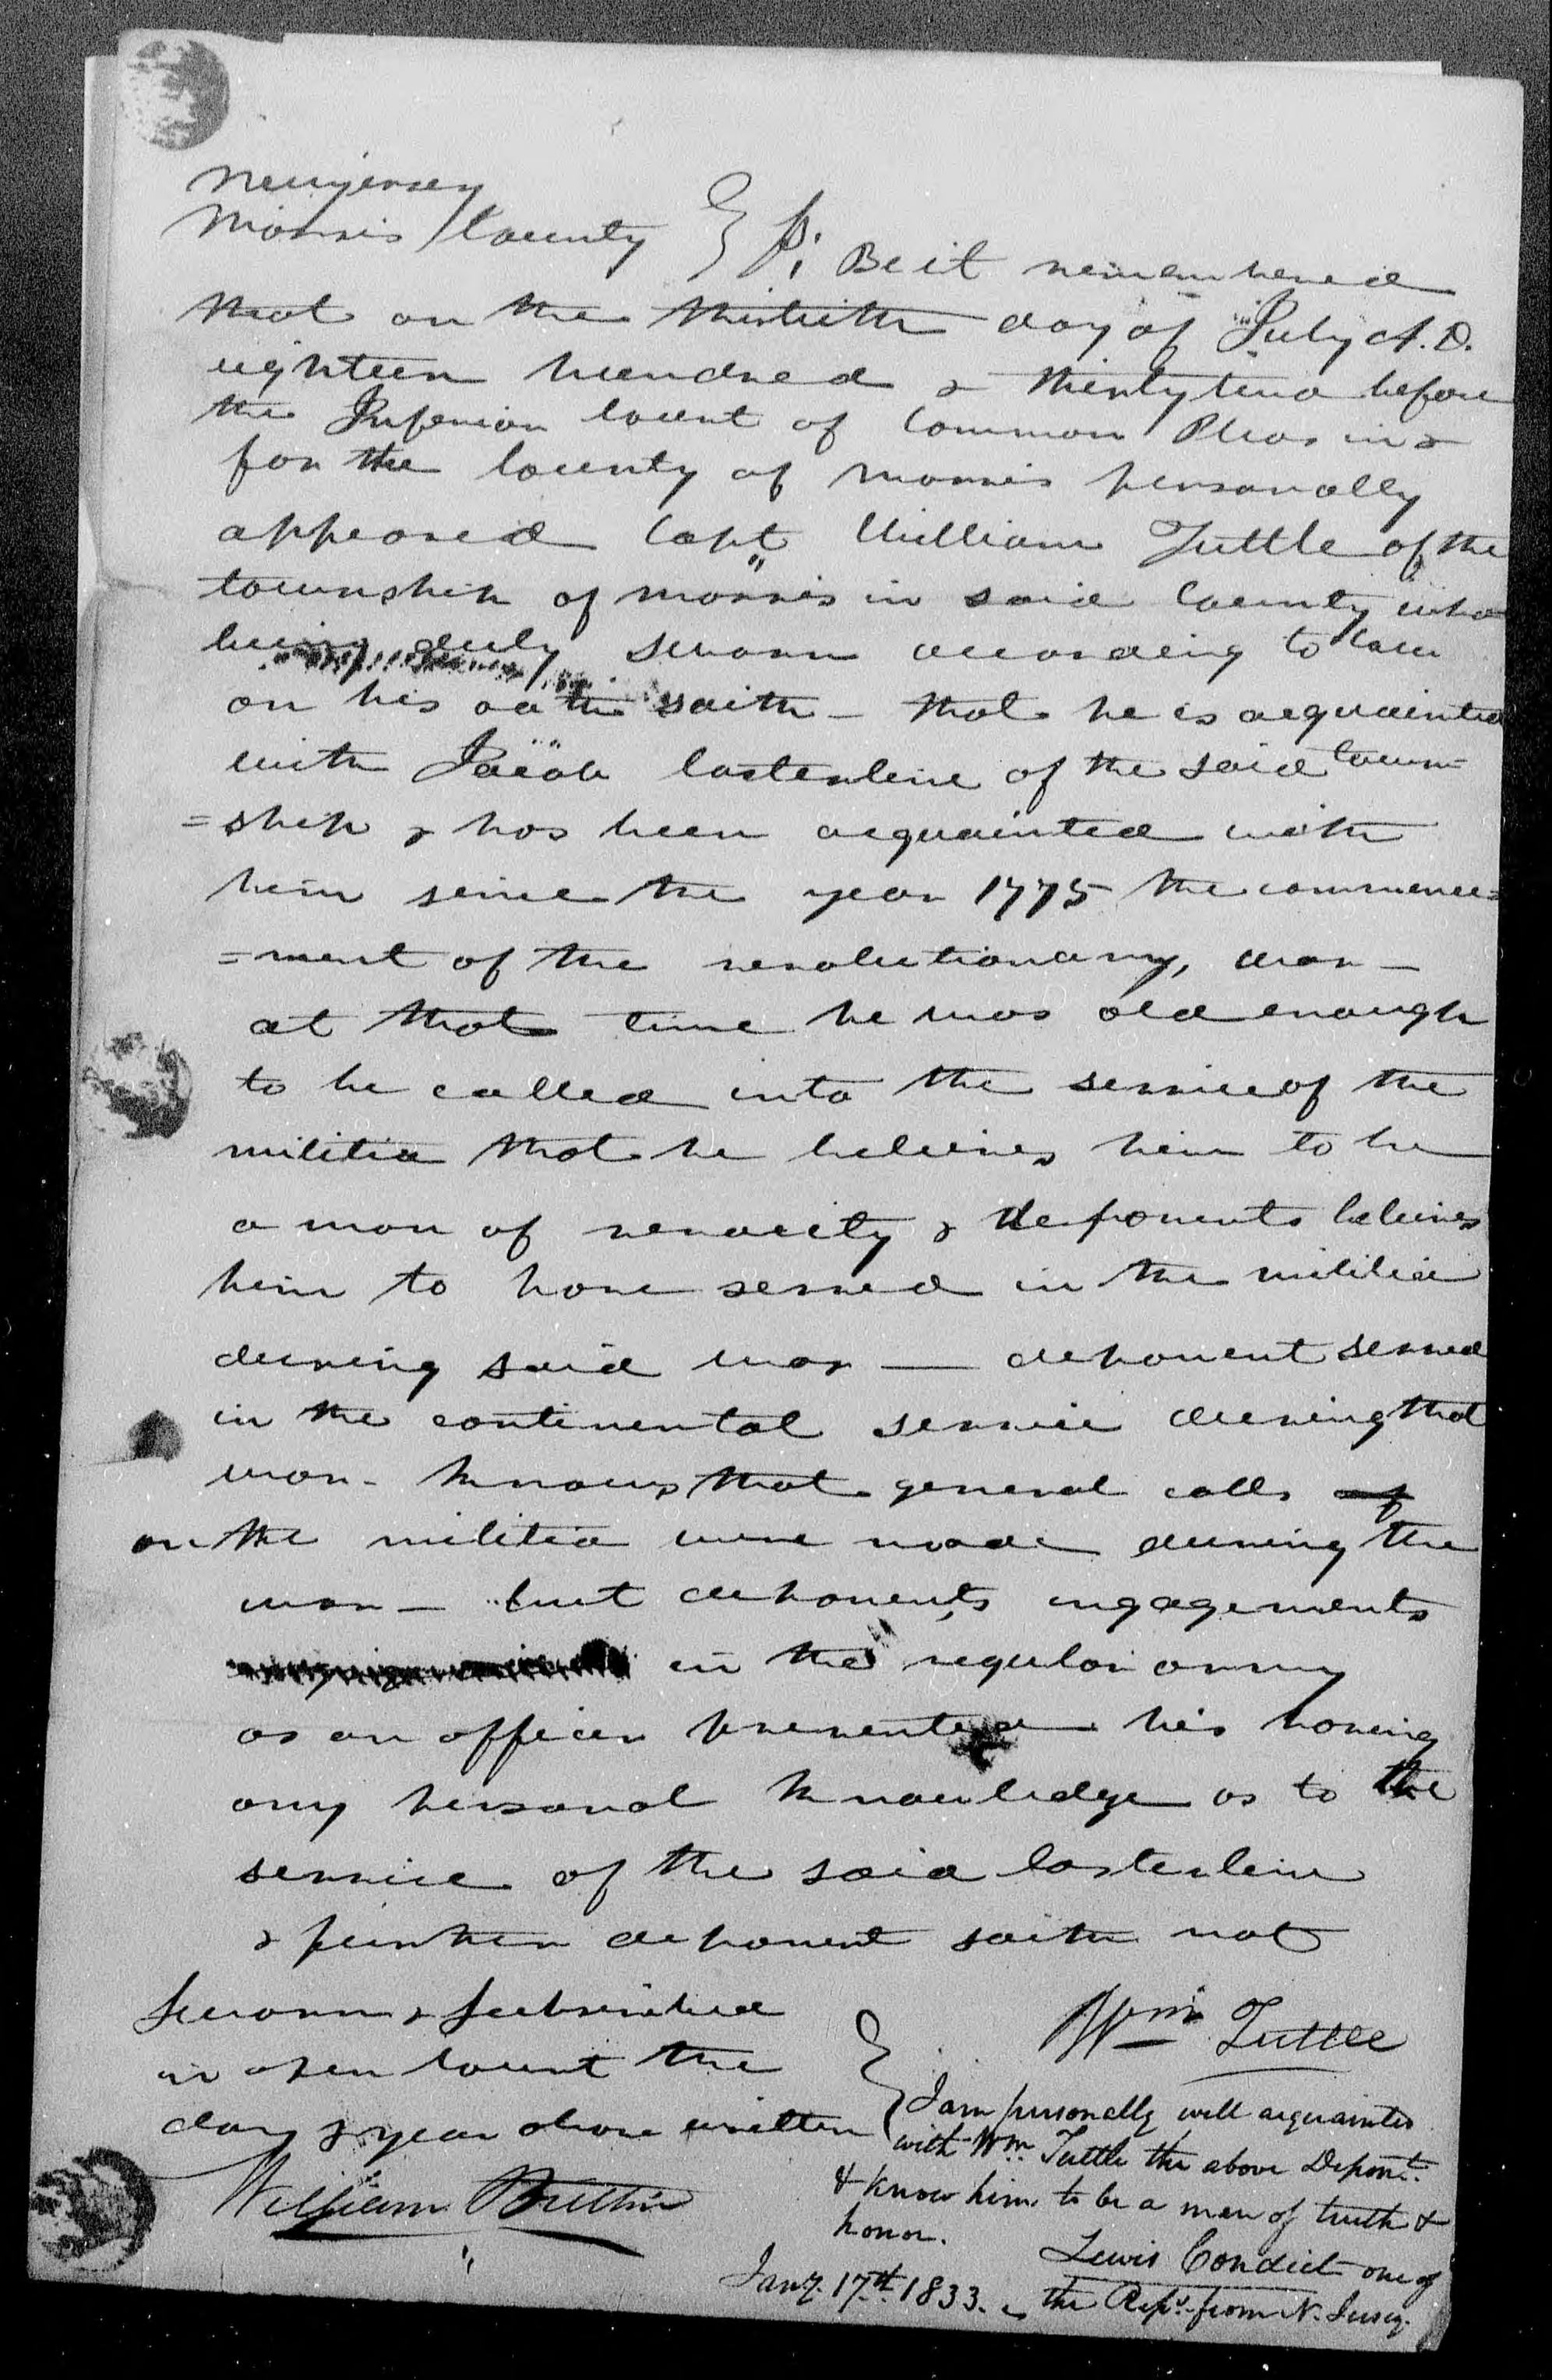New Jersey
Morris County
Be it remembered that on this thirteenth day of July A.D. eighteen hundred and ninety two before the inferior court of common pleas in and for the county of Morris personally appeared Capt. William Tuttle of the township of Morris in said county who being duly sworn according to law on his oath saith  that he is acquainted with Jacob Casterline of the said township and has been acquainted with him since the year 1775.  The commencement of the revolutionary war - at that time he was old enough to be called into the service of the militia that he believes him to be a man of severity and the deponent believes him to have served in the militia during said war.  deponent served in the continental service during that war.  knows that general calls on the militia were made during the war.  But deponents engagements in the regular army as an officer prevented his having any personal knowledge as to the service of the said Casterline and further deponent saith not 
Sworn and subscribed in the court the day and year above written 
William Brittin
William Tuttle

I am personally well acquainted with Wm Tuttle the above deponent and know him to be a man of truth and honor.  Lewis Condict - one of the  Reps. from N. Jersey
Jany 17th 1833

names: Lewis Condict, William Tuttle, Casterline, Jacob Casterline, Wm Tuttle, William Brittin, Wm Tuttle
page: 21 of 38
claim: widow's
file: W. 6644, Jacob Casterline, New Jersey